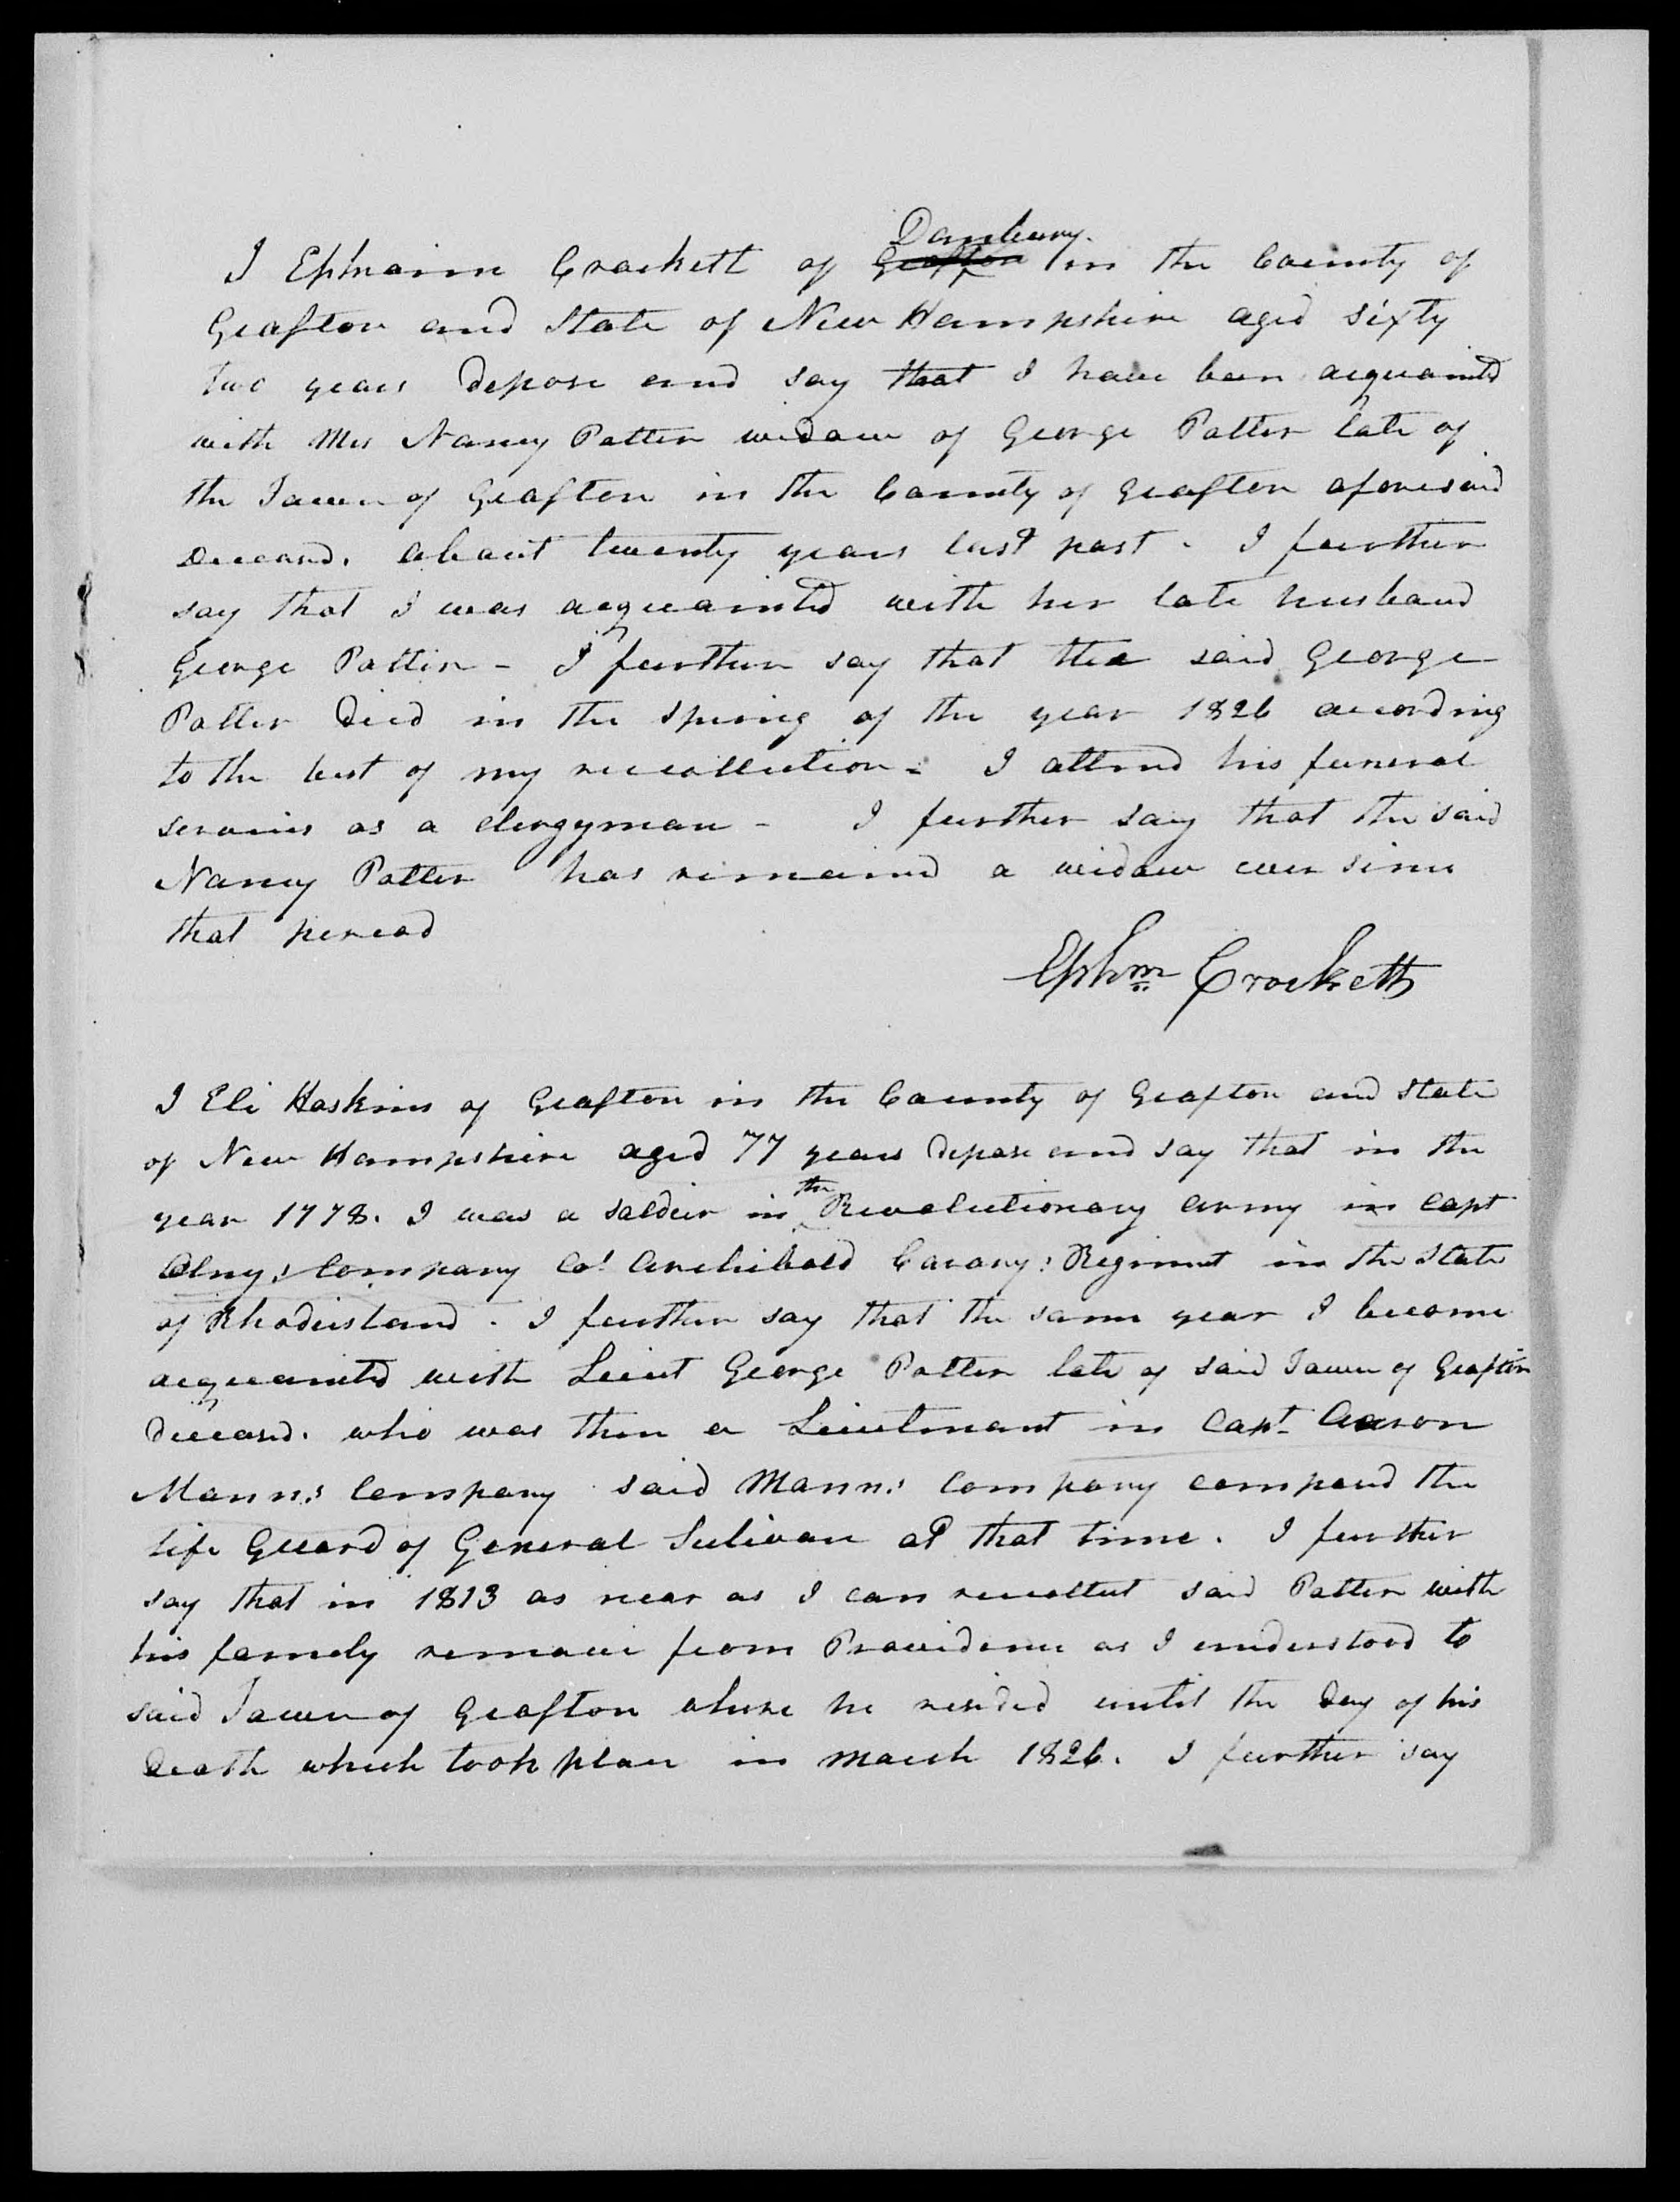I Ephraim Crockett of Danbury in the County of Grafton and State of New Hampshire aged sixty two years depose and say that I have been acquainted with Mrs. Nancy Potter widow of George  Potter late of the Town of Grafton in the County of Grafton aforesaid deceased, about twenty years last past.  I further say that I was acquainted with her late husband George Potter.  I further say that the said George Potter died in the spring of the year 1826 according to the best of my recollection.  I attend his funeral services as a clergyman  I further say that the said Nancy Potter has remained a widow ever since that period. 
                                                  Ephraim Crockett


I Eli Haskins of Grafton in the County of Grafton and the State of New Hampshire aged 77 years depose and say that in the year of 1778 I was a soldier in the Revolutionary War in Capt Olny's Company Col. Archibald Canary Regiment in the state of Rhode Island  I further say that the same year I became acquainted with Lieut, George Potter late of said Town of Grafton, deceased, who was then a Lieutenant in Capt. Aaron Mann's Company.  Said Mann's Company composed the life guard of General Sulivan at that time.  I further say that in 1813 as near as I can recollect said Potter with his family remove from Providence as I understood to said Town of Grafton where he resided until the day of his death which took place in  March 1826.  I further say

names: Eli Haskins; [BLANK] Sulivan; Ephraim Crockett; George Potter; Nancy Potter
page: 6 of 40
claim: widow's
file: W. 16058, for George Potter, Rhode Island